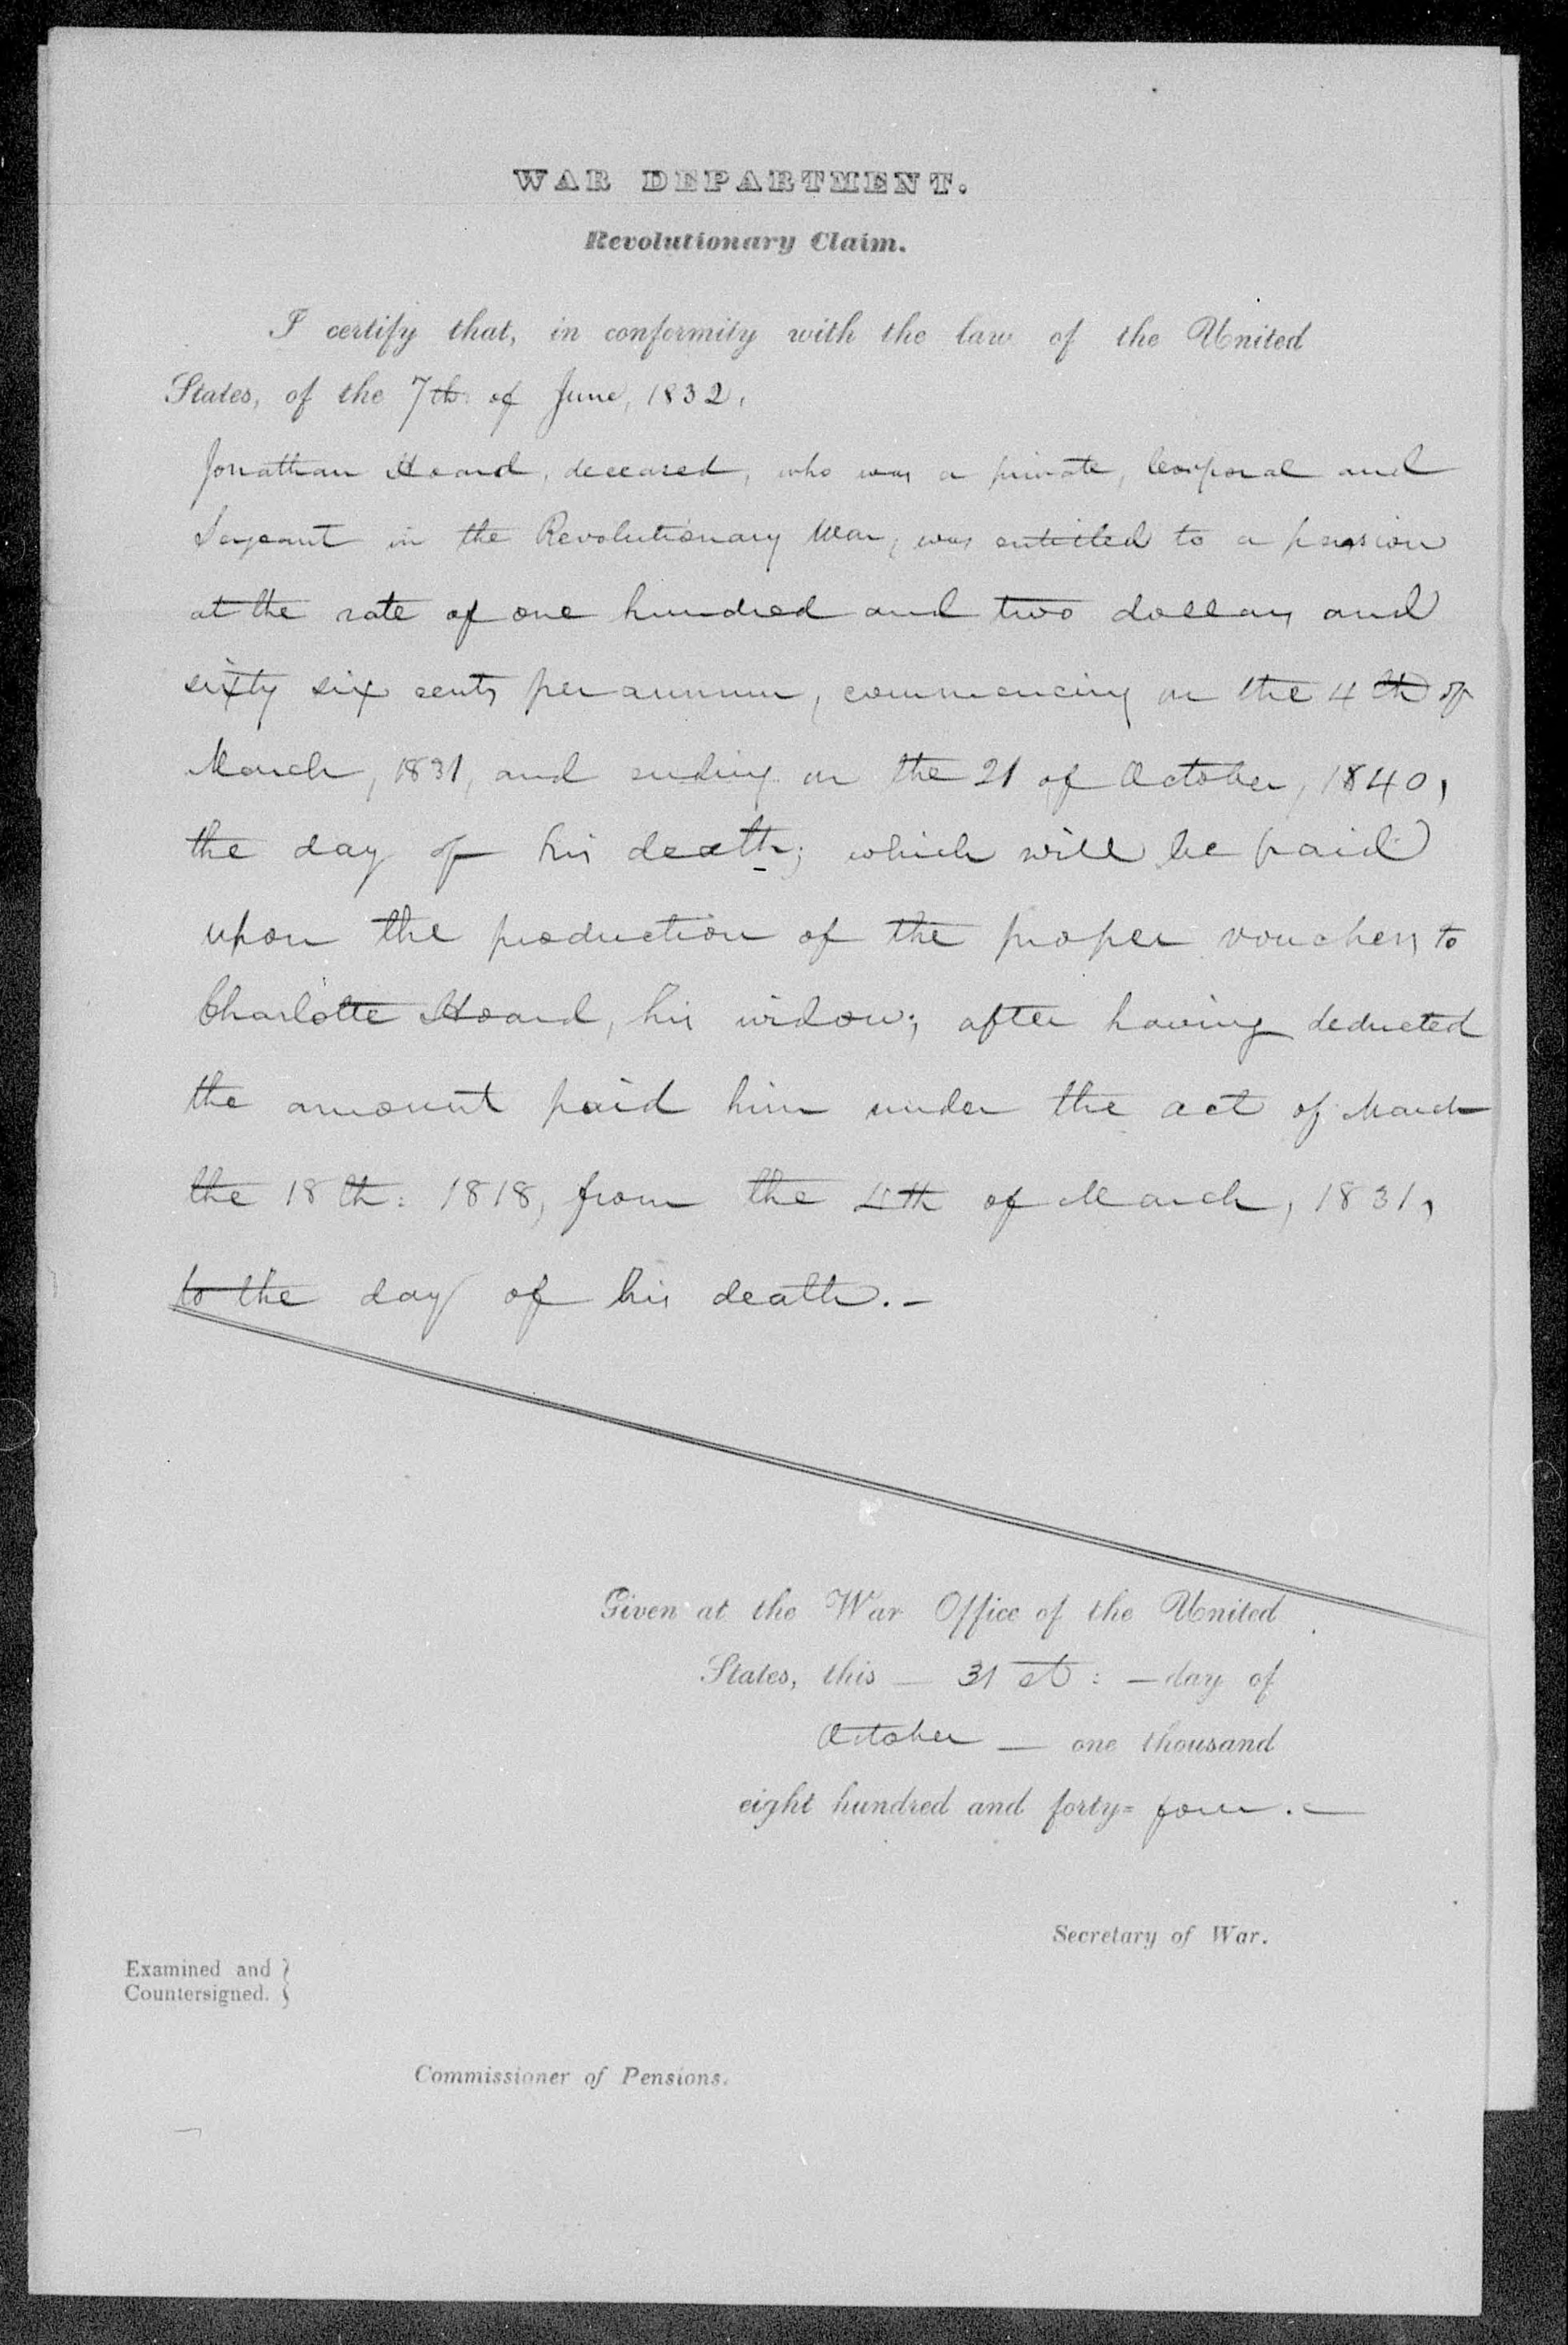War Department. 
Revolutionary Claim. 

I certify that, in conformity with the law of the United States, of the 7th of June, 1832, Jonathan Hoard, deceased, who was a private, Corporal and Sergeant in the Revolutionary War was entitled to a pension at the rate of one hundred and two dollars and sixty six cents per annum, commencing on the 4th of March, 1831, and ending on the 21 of October, 1840, the day of his death; which will be paid upon the production of the proper vouchers to Charlotte Hoard, his widow; after having deducted the amount paid him under the act of March the 18th 1818, from the 4th of March, 1831, to the day of his death.- 

Given at the War Office of the United States , this 31st:-- day of October -  one thousand eight hundred and forty four.- 
[unsigned]
Secretary of War.

Examined and }
Countersigned.} 

Commissioner of Pensions.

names: Charlotte Hoard, Jonathan Hoard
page: 49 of 52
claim: widow's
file: W 19755, Jonathan Hoard, Mass.